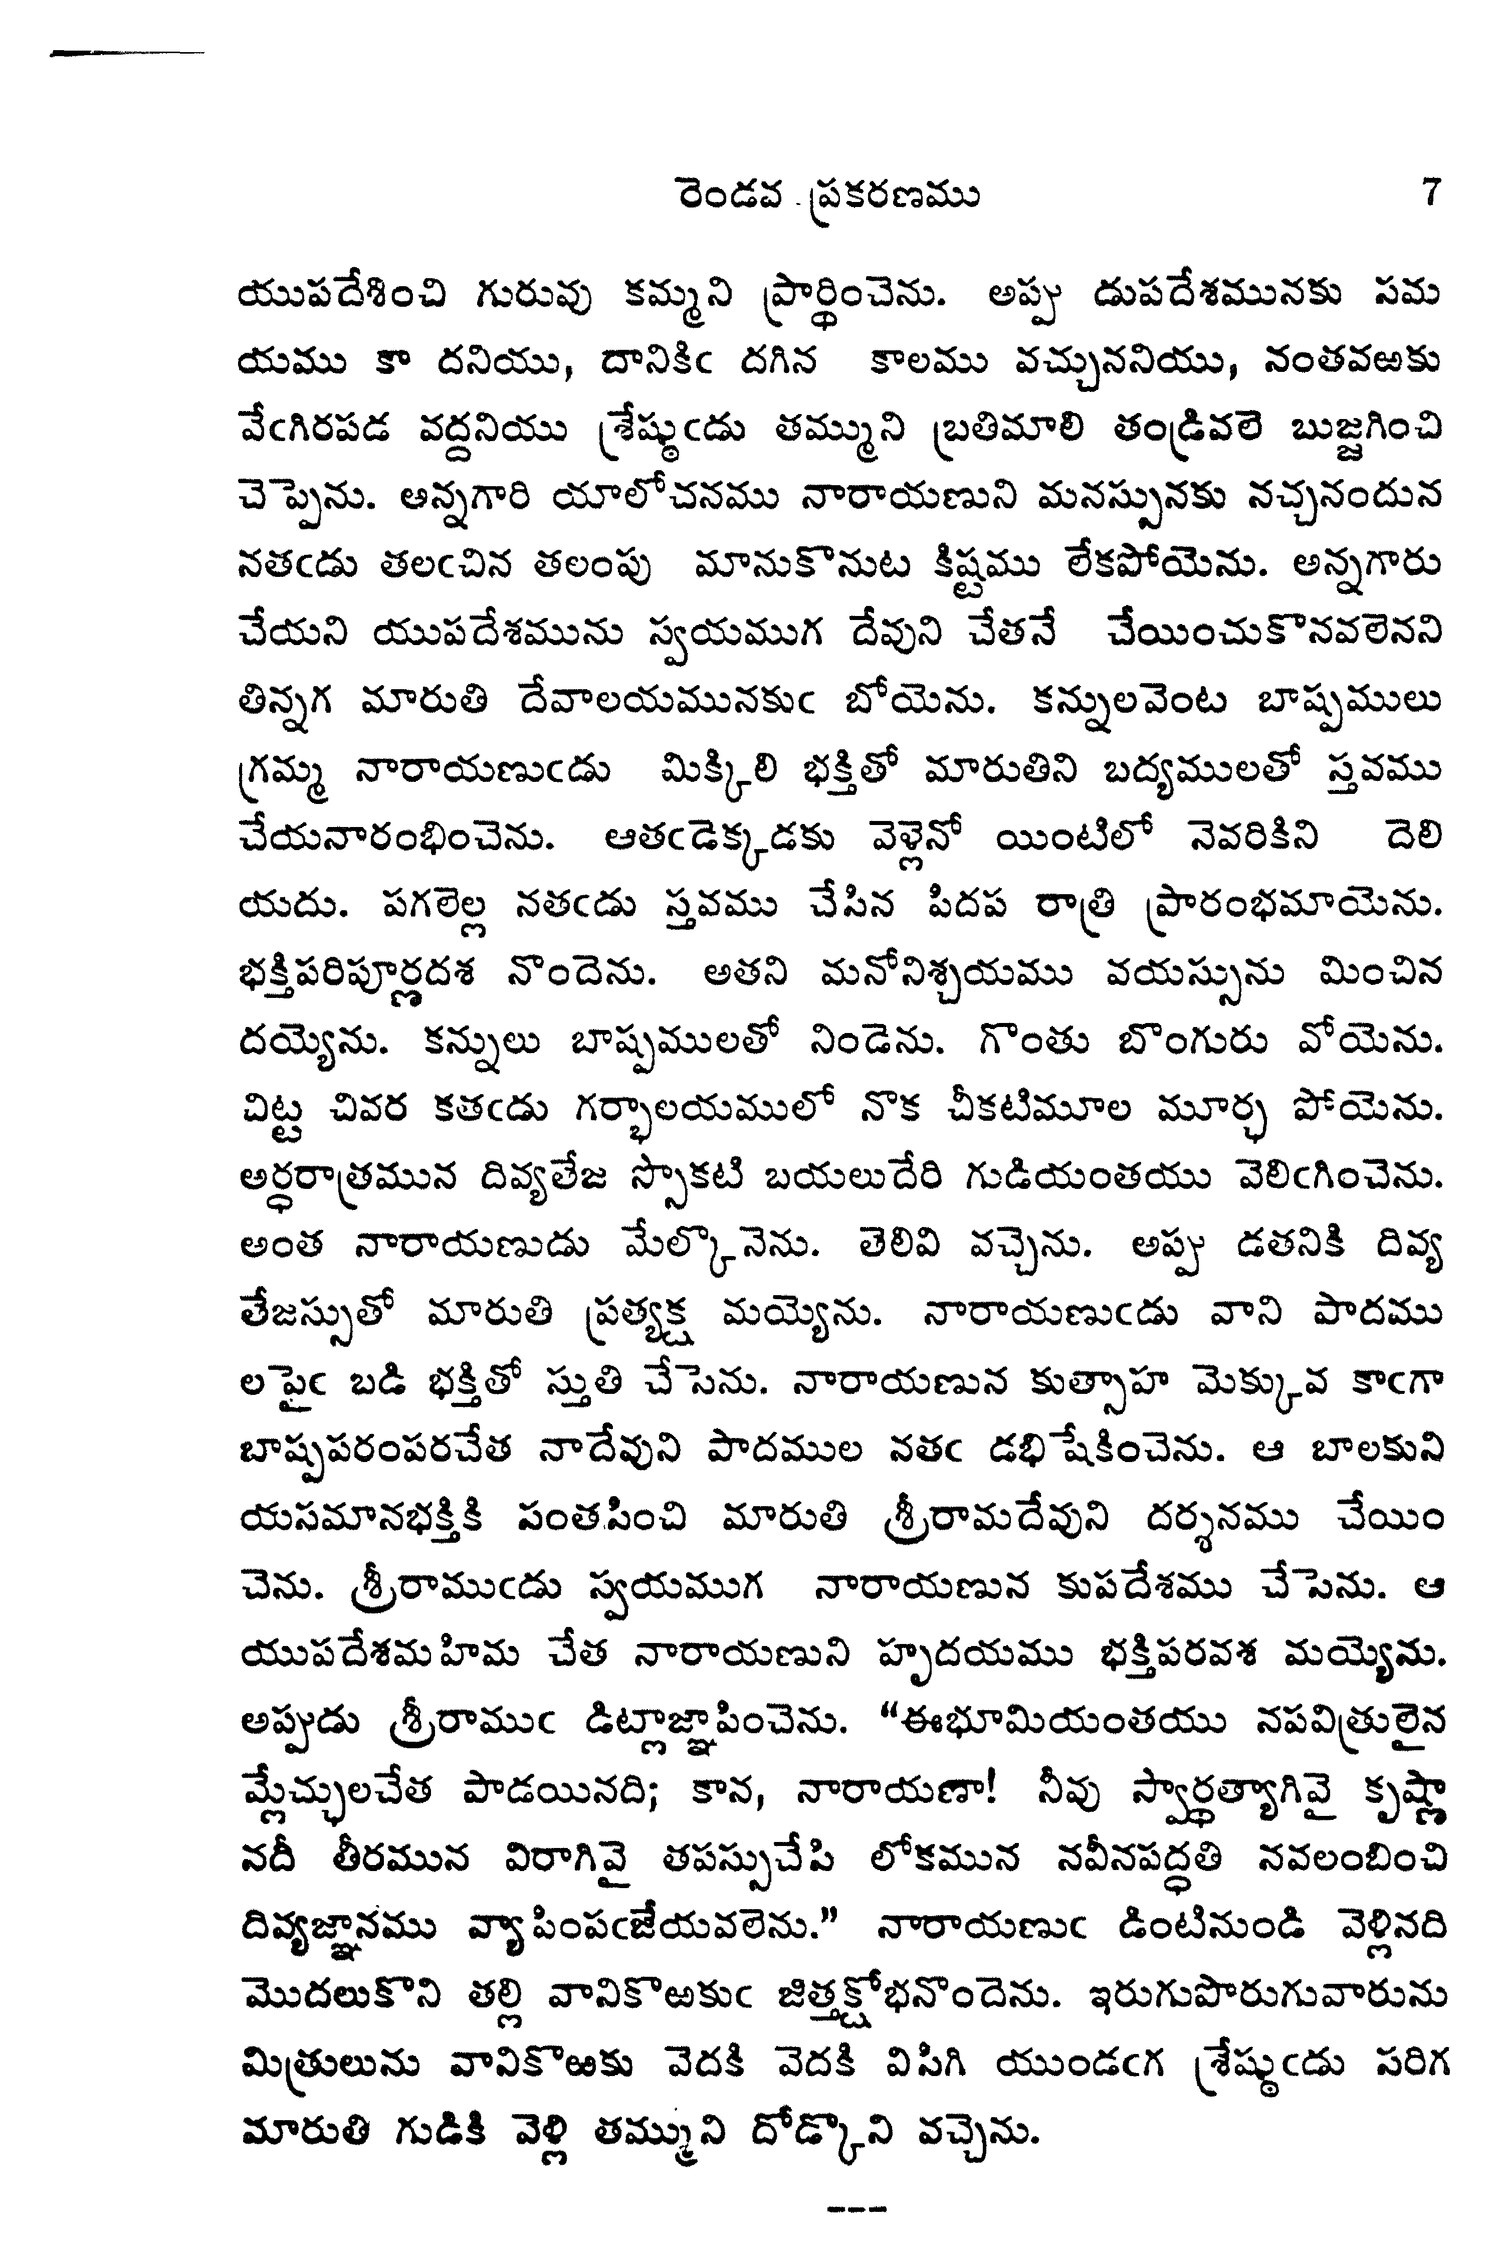యుపదేశించి గురువు కమ్మని ప్రార్థించెను. అప్పు డుపదేశమునకు సమయము కా దనియు, దానికి దగిన కాలము వచ్చుననియు, నంతవఱకు వేగిరపడ వద్దనియు శ్రేష్ఠుడు తమ్ముని బ్రతిమాలి తండ్రివలె బుజ్జగించి చెప్పెను. అన్నగారి యాలోచనము నారాయణుని మనస్సునకు నచ్చనందున నతడు తలచిన తలంపు మానుకొనుట కిష్టము లేకపోయెను. అన్నగారు చేయని యుపదేశమును స్వయముగ దేవుని చేతనే చేయించుకొనవలెనని తిన్నగ మారుతి దేవాలయమునకు బోయెను. కన్నులవెంట బాష్పములు గ్రమ్మ నారాయణుడు మిక్కిలి భక్తితో మారుతిని బద్యములతో స్తవము చేయనారంభించెను. ఆతడెక్కడకు వెళ్లెనో యింటిలో నెవరికిని దెలియదు. పగలెల్ల నతడు స్తవము చేసిన పిదప రాత్రి ప్రారంభమాయెను. భక్తిపరిపూర్ణదశ నొందెను. అతని మనోనిశ్చయము వయస్సును మించిన దయ్యెను. కన్నులు బాష్పములతో నిండెను. గొంతు బొంగురు వోయెను. చిట్ట చివర కతడు గర్భాలయములో నొక చీకటిమూల మూర్ఛ పోయెను. అర్ధరాత్రమున దివ్యతేజ స్పొకటి బయలుదేరి గుడియంతయు వెలిగించెను. అంత నారాయణుడు మేల్కొనెను. తెలివి వచ్చెను. అప్పు డతనికి దివ్య తేజస్సుతో మారుతి ప్రత్యక్ష మయ్యెను. నారాయణుడు వాని పాదములపై బడి భక్తితో స్తుతి చేసెను. నారాయణున కుత్సాహ మెక్కువ కాగా బాష్పపరంపరచేత నాదేవుని పాదముల నత డభిషేకించెను. ఆ బాలకుని యసమానభక్తికి సంతసించి మారుతి శ్రీరామదేవుని దర్శనము చేయించెను. శ్రీరాముడు స్వయముగ నారాయణున కుపదేశము చేసెను. ఆ యుపదేశమహిమ చేత నారాయణుని హృదయము భక్తిపరవశ మయ్యెను. అప్పుడు శ్రీరాము డిట్లాజ్ఞాపించెను. "ఈభూమియంతయు నపవిత్రులైన మ్లేచ్ఛులచేత పాడయినది; కాన, నారాయణా! నీవు స్వార్థత్యాగివై కృష్ణా నదీ తీరమున విరాగివై తపస్సుచేసి లోకముంస్ నవీనపద్ధతి నవలంబించి దివ్యజ్ఞానము వ్యాపింపజేయవలెను." నారాయణు డింటినుండి వెళ్లినది మొదలుకొని తల్లి వానికొఱకు జిత్తక్షోభనొందెను. ఇరుగుపొరుగువారును మిత్రులును వానికొఱకు వెదకి వెదకి విసిగి యుండగ శ్రేష్ఠుడు సరిగ మారుతి గుడికి వెళ్లి తమ్ముని దోడ్కొని వచ్చెను.

_______